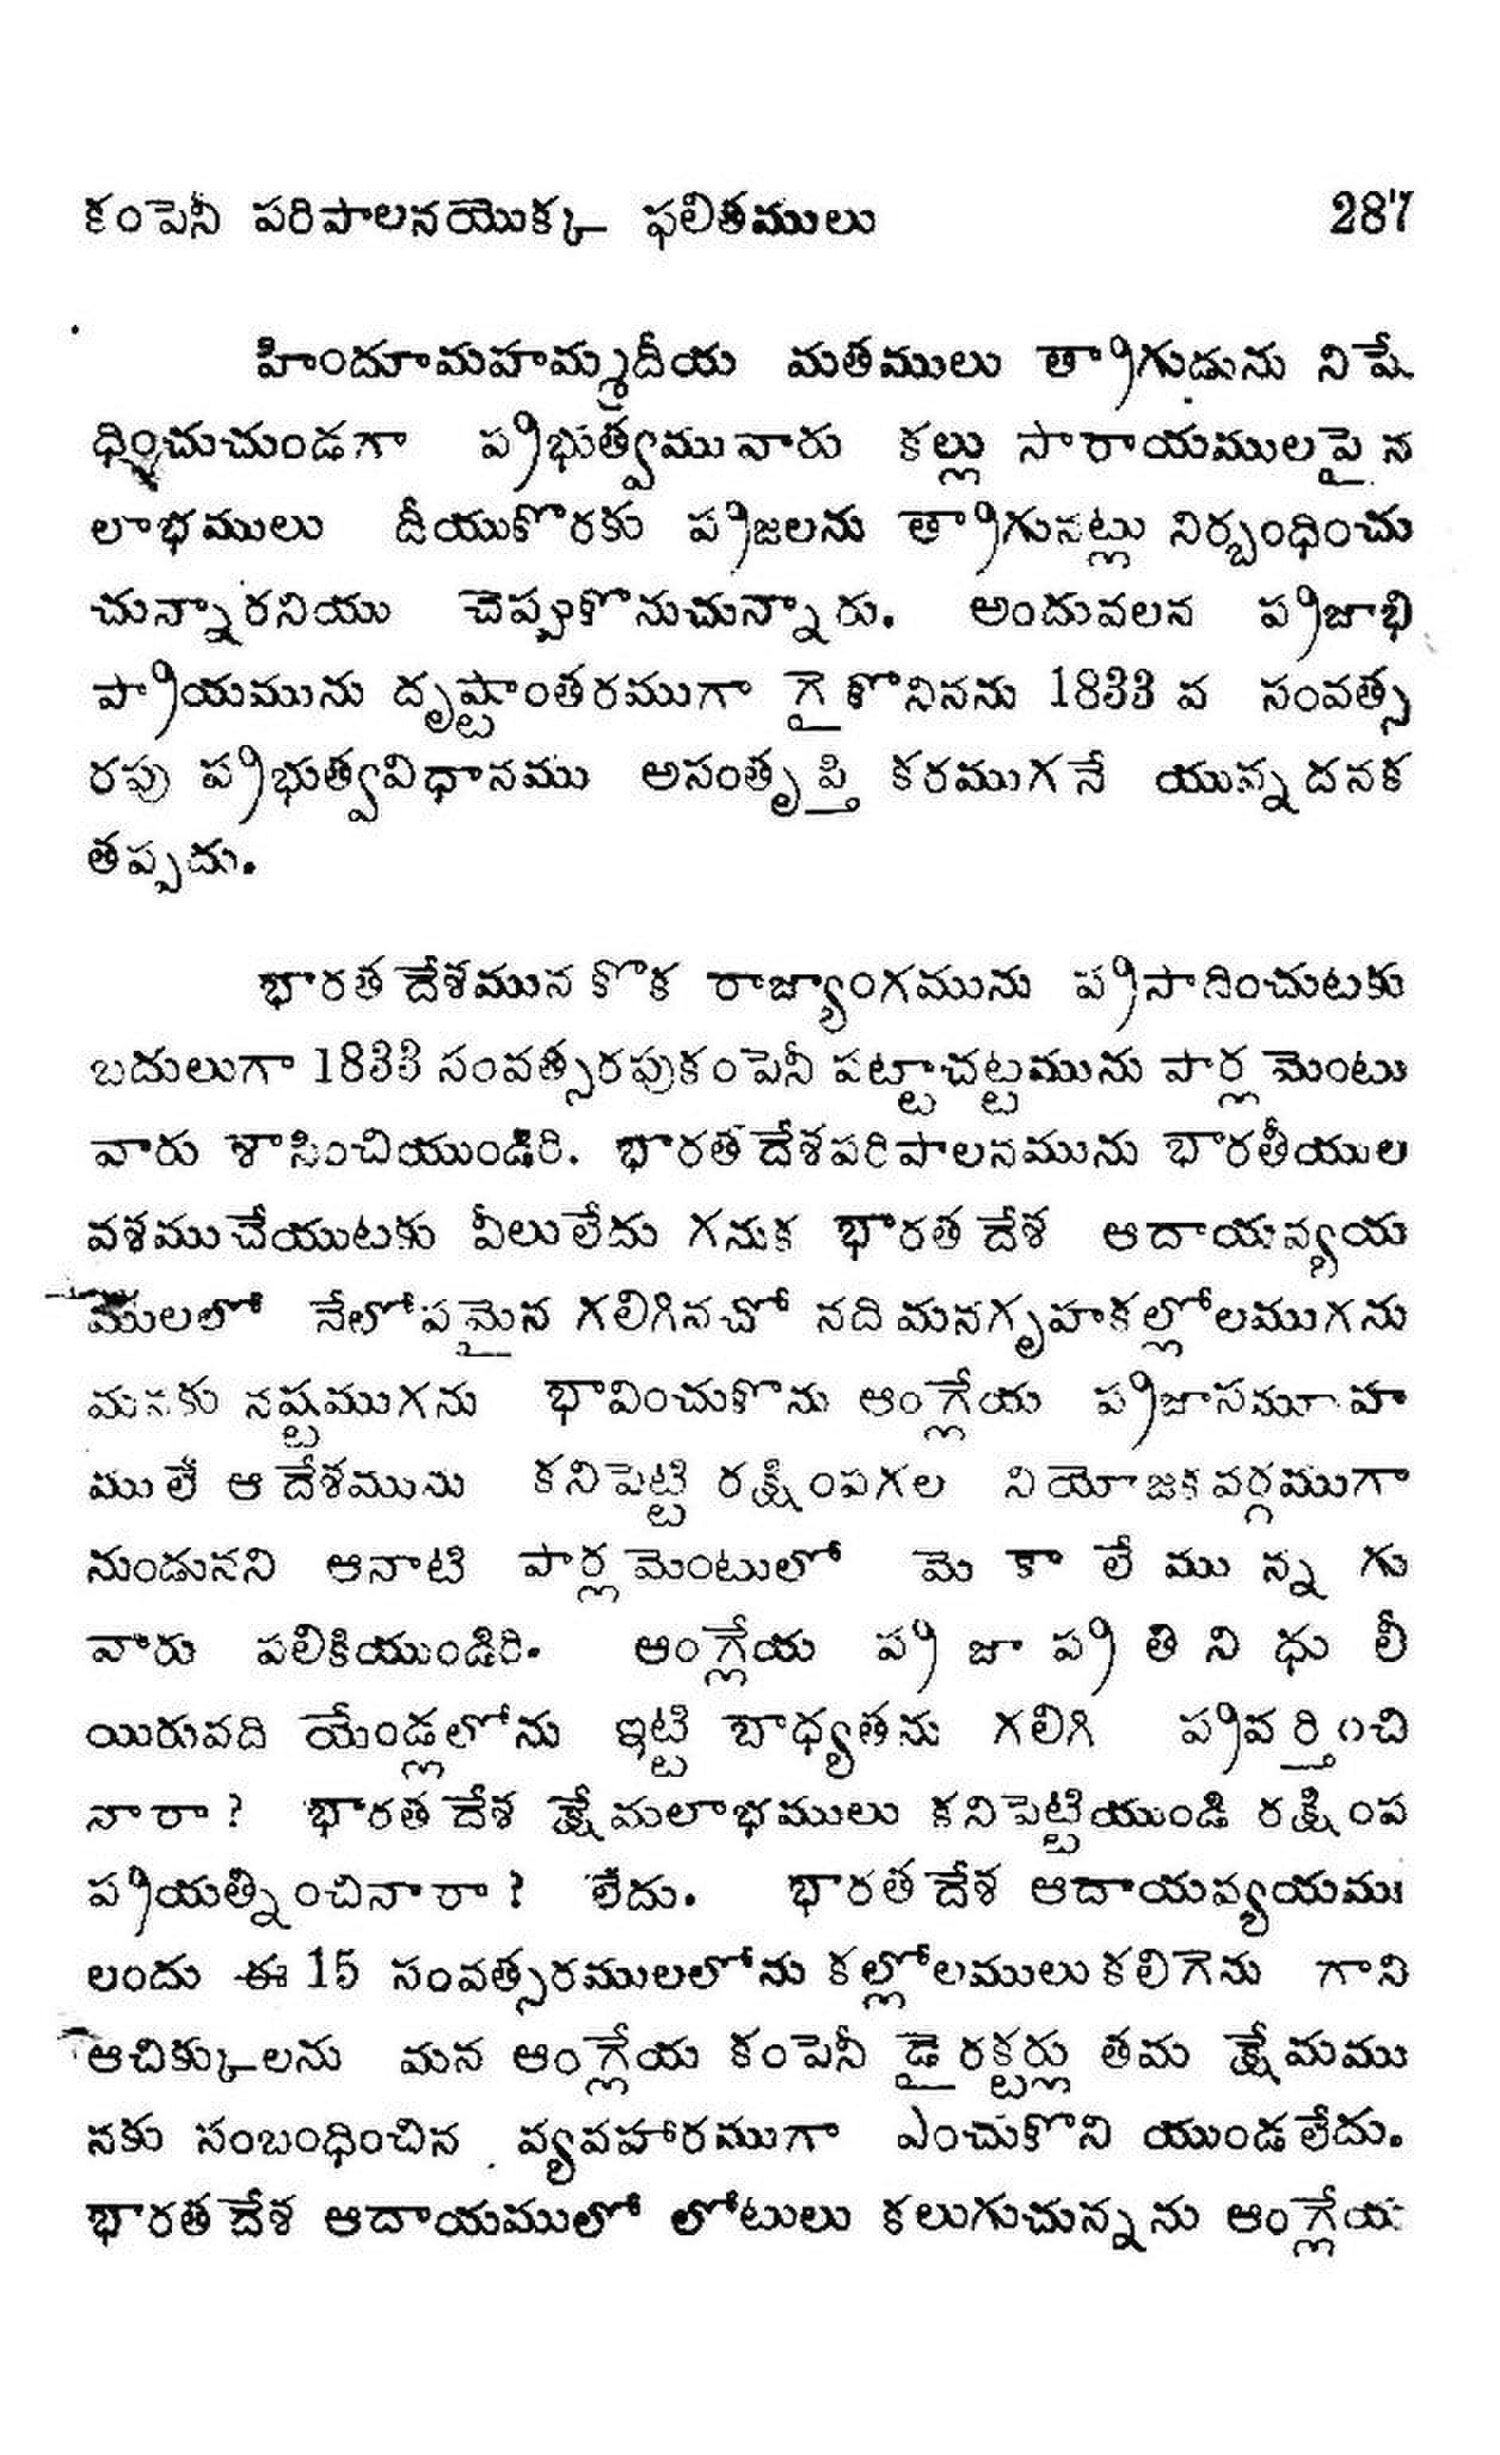హిందూమహమ్మదీయ మతములు త్రాగుడును నిషేధించుచుండగా ప్రభుత్వమువారు కల్లు సారాయములపైన లాభములు దీయుకొరకు ప్రజలను త్రాగునట్లు నిర్బంధించు చున్నారనియు చెప్పుకొనుచున్నారు. అందువలన ప్రజాభిప్రాయమును దృష్టాంతరముగా గైకొనినను 1833 వ సంవత్సరపు ప్రభుత్వవిధానము అసంతృప్తి కరముగనే యున్నదనక తప్పదు.

భారతదేశమున కొక రాజ్యాంగమును ప్రసాదించుటకు బదులుగా 1833 సంవత్సరఫుకంపెనీ పట్టాచట్టమును పార్లమెంటు వారు శాసించియుండిరి. భారతదేశపరిపాలనమును భారతీయుల వశముచేయుటకు వీలులేదు గనుక భారతదేశ ఆదాయవ్యయములలో నేలోపమైన గలిగినచో నది మనగృహకల్లోలముగను మనకు నష్టముగను భావించుకొను ఆంగ్లేయ ప్రజాసమూహములే ఆదేశమును కనిపెట్టి రక్షింపగల నియోజకవర్గముగా నుండునని ఆనాటి పార్లమెంటులో మెకాలే మున్నగువారు పలికియుండిరి. ఆంగ్లేయ ప్రజాప్రతినిధు లీ యిరువది యేండ్లలోను ఇట్టి బాధ్యతను గలిగి ప్రవర్తించినారా ? భారతదేశ క్షేమలాభములు కనిపెట్టి యుండి రక్షింప ప్రయత్నించినారా? లేదు. భారతదేశ ఆదాయవ్యయములందు ఈ 15 సంవత్సరములలోను కల్లోలములు కలిగెను గాని ఆచిక్కులను మన ఆంగ్లేయ కంపెనీ డైరక్టర్లు తమ క్షేమమునకు సంబంధించిన వ్యవహారముగా ఎంచుకొని యుండలేదు. భారతదేశ ఆదాయములో లోటులు కలుగుచున్నను ఆంగ్లేయ